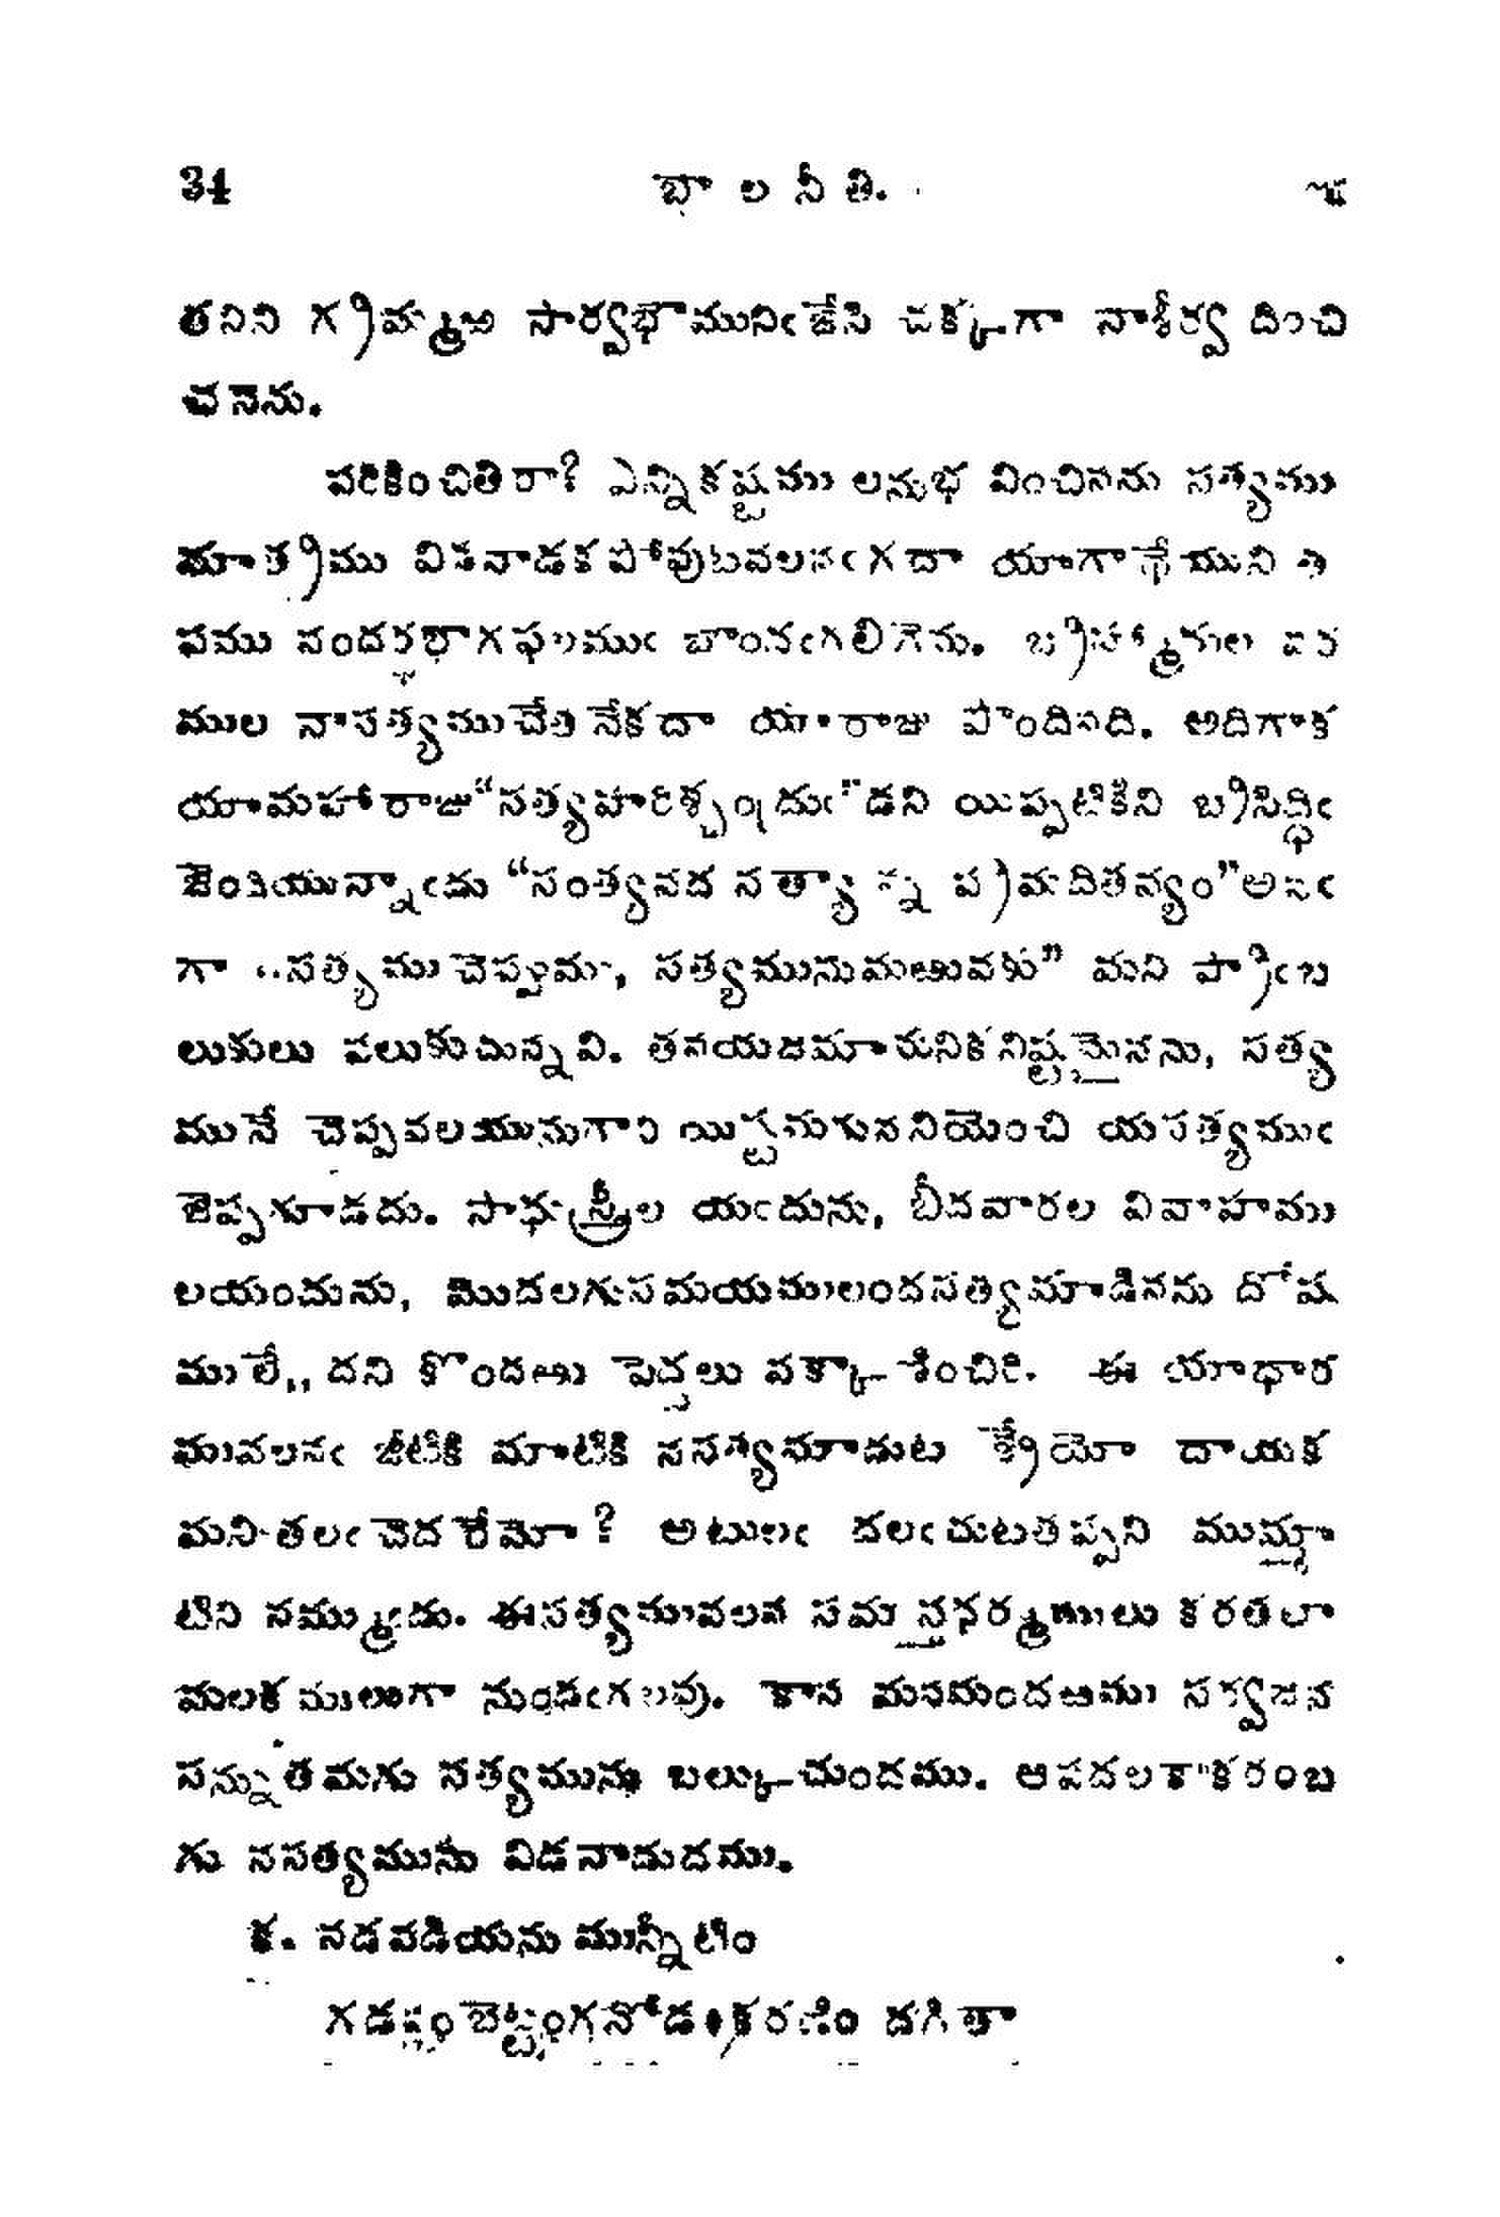తనిని గ్రమ్మఱ సార్వభౌమునిఁజేసి చక్కగా నాశీర్వదించి 
చనెను. 

పరికించితిరా? ఎన్నికష్టము లనుభవించినను సత్యము 
మాత్రము విడనాడకపోవుటవలనఁగదా యాగాథేయుని త
పము నందర్ధభాగఫలముఁ బొందఁగలిగెను. బ్రహ్మాదుల వర
ముల నాసత్యముచేతనేకదా యారాజు పొందినది. అదిగాక 
యామహారాజు 'సత్యహరిశ్చంద్రు" డని యిప్పటికిని బ్రసిద్ధిఁ
జెందియున్నాఁడు. "సంత్యవద సత్యాన్న ప్రమదితవ్యం" అనఁ
గా "సత్యముచెప్పుము, సత్యమునుమఱువకు" మని ప్రాఁబ
లుకులు పలుకుచున్నవి. తనయజమానునికనిష్టమైనను, సత్య
మునే చెప్పవలయునుగాని యిష్టమగుననియెంచి యసత్యముఁ
జెప్పగూడదు. సాధుస్త్రీల యందును, బీదవారల వివాహము
లయందును, మొదలగుసమయములందసత్యమాడినను దోష
ములే"దని కొందఱు పెద్దలు వక్కాణించిరి. ఈ యాధార
మువలనఁ జీటికి మాటికి నసత్యమాడుట శ్రేయో దాయక
మని తలఁచెదరేమో? అటులఁ దలఁచుటతప్పని ముమ్మా
టిని నమ్ముఁడు. ఈసత్యమువలన సమస్తధర్మములు కరతలా
మలకములుగా నుండఁగలవు. కాన మనమందఱము సర్వజన 
సన్నుతమగు సత్యమును బల్కుచుందము. ఆపదలకాకరంబ
గు నసత్యమును విడనాడుదము.

క. నడవడియను మున్నీటిం
 గడపం బెట్టంగనోడ♦కరణిం దగితా